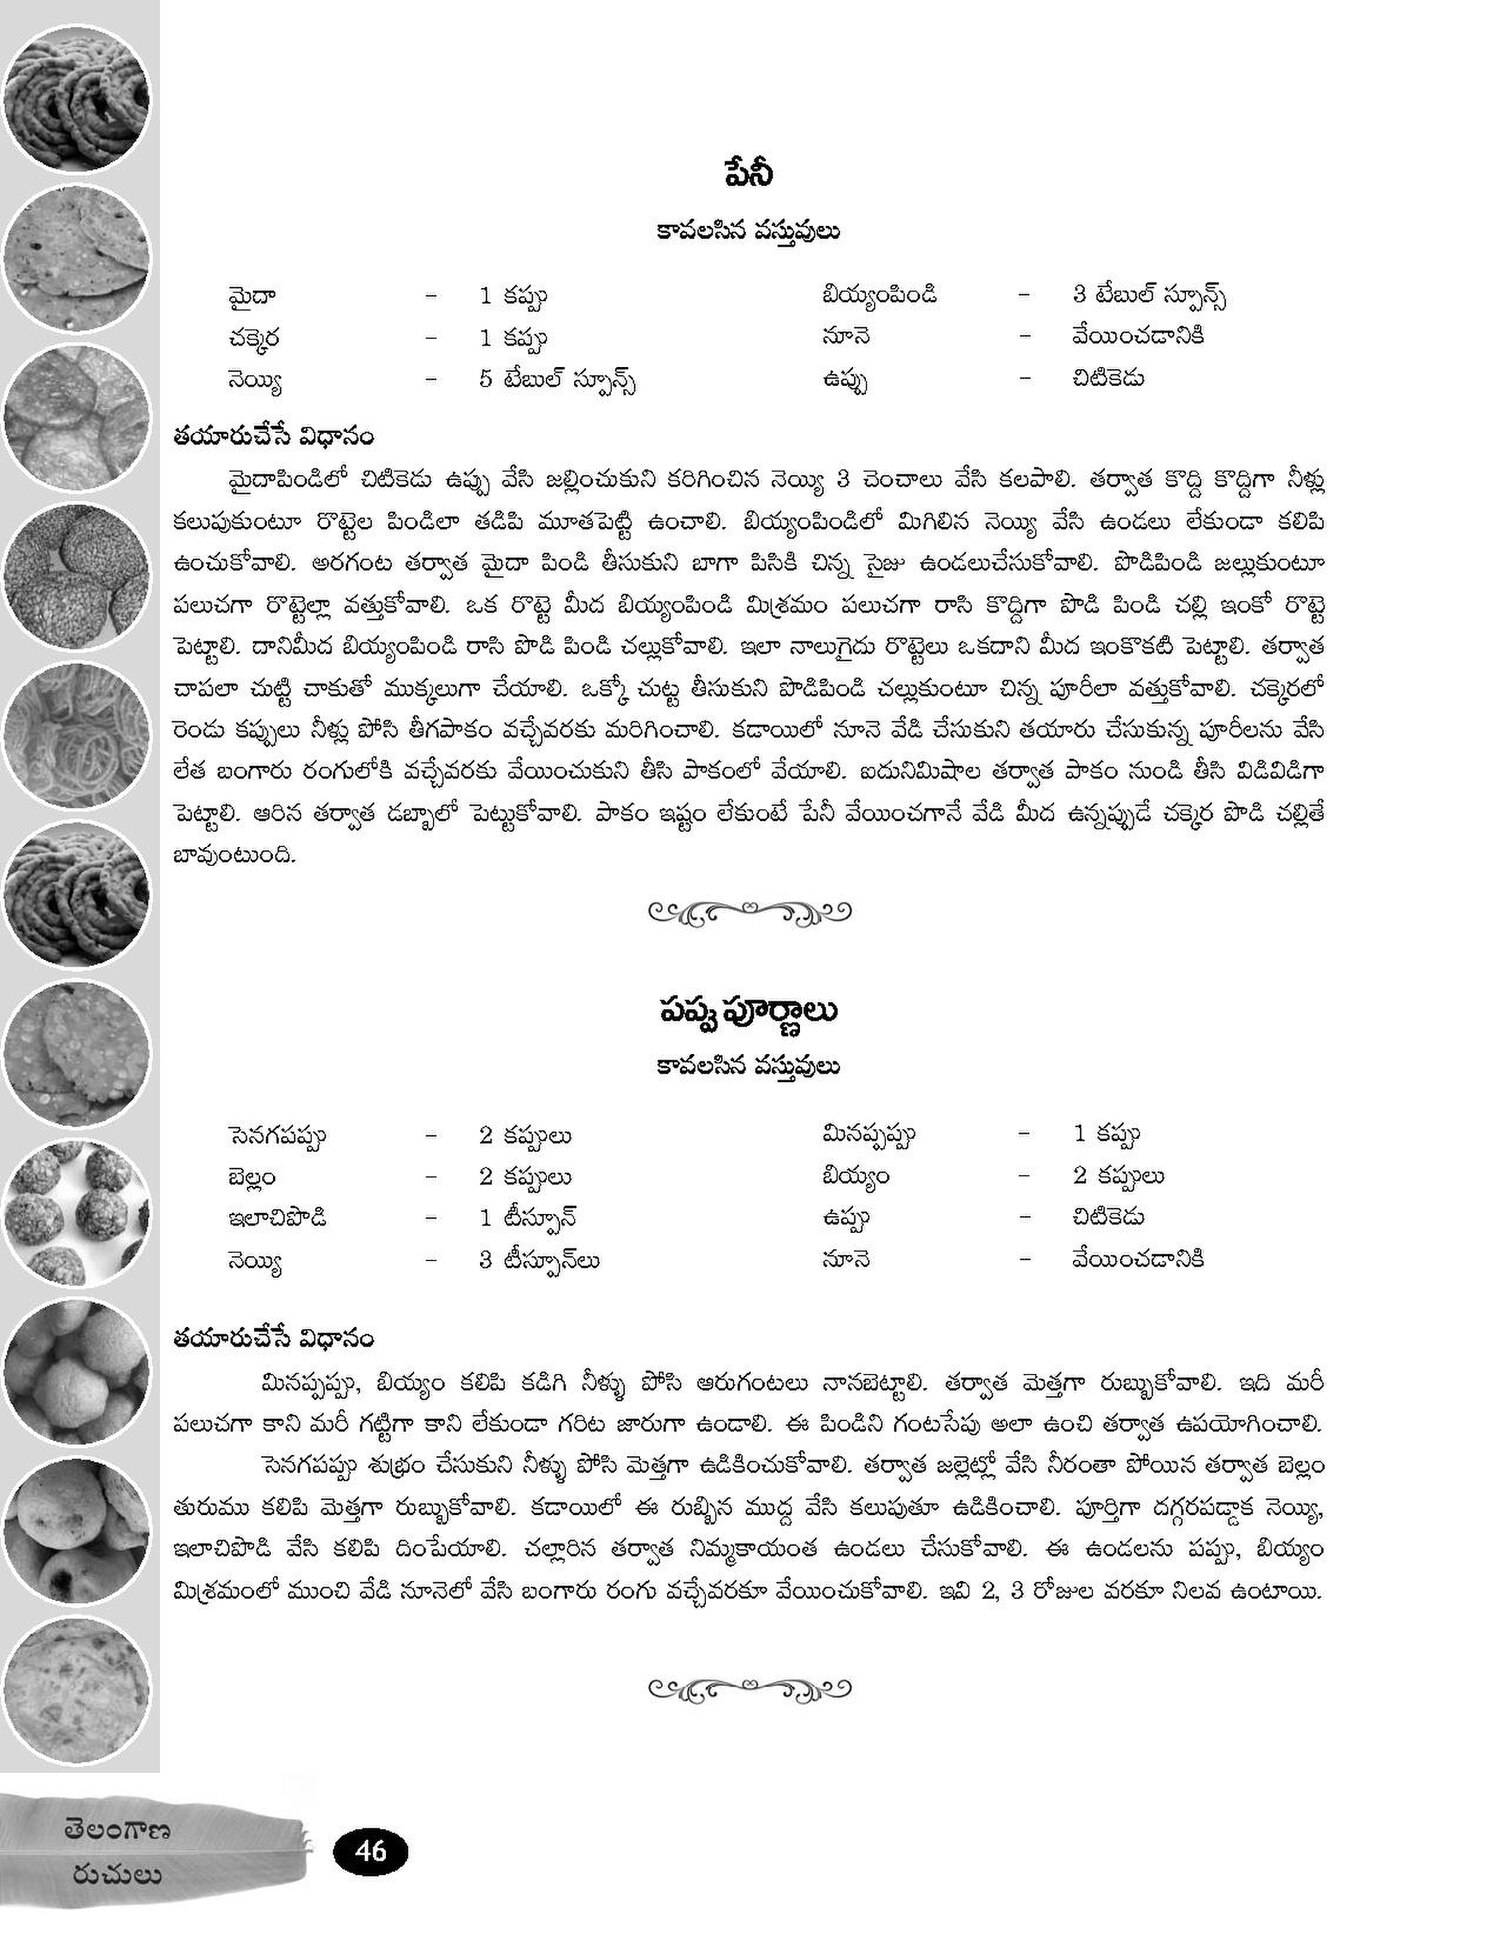+ కావలసిన వస్తువులు మైదా 1 కప్పు బియ్యపిండి 3 టేబుల్ స్పూన్ చక్కెర 1 కప్పు నూనె వేయించడానికి నెయ్యి 5 టేబుల్ స్పూన్లు ఉప్పు చిటికెడు

తయారుచేసే విధానం 

మైదాపిండిలో చిటికెడు ఉప్పు వేసి జల్లించుకుని కరిగించిన నెయ్యి 3 చెంచాలు వేసి కలపాలి. తర్వాత కొద్ది కొద్దిగా నీళ్లు కలుపుకుంటూ రొట్టెల పిండిలా తడిపి మూతపెట్టి ఉంచాలి. బియ్యంపిండిలో మిగిలిన నెయ్యి వేసి ఉండలు లేకుండా కలిపి ఉంచుకోవాలి. అరగంట తర్వాత మైదా పిండి తీసుకుని బాగా పిసికి చిన్న సైజు ఉండలుచేసుకోవాలి. పొడిపిండి జల్లుకుంటూ పలుచగా రొట్టెల్లా వత్తుకోవాలి. ఒక రొట్టె మీద బియ్యంపిండి మిశ్రమం పలుచగా రాసి కొద్దిగా పొడి పిండి చల్లి ఇంకో రొట్టె పెట్టాలి. దానిమీద బియ్యంపిండి రాసి పొడి పిండి చల్లుకోవాలి. ఇలా నాలుగైదు రొట్టెలు ఒకదాని మీద ఇంకొకటి పెట్టాలి. తర్వాత చాపలా చుట్టి చాకుతో ముక్కలుగా చేయాలి. ఒక్కో చుట్ట తీసుకుని పొడిపిండి చల్లుకుంటూ చిన్న పూరీలా వత్తుకోవాలి. చక్కెరలో రెండు కప్పులు నీళ్లు పోసి తీగపాకం వచ్చేవరకు మరిగించాలి. కడాయిలో నూనె వేడి చేసుకుని తయారు చేసుకున్న పూరీలను వేసి లేత బంగారు రంగులోకి వచ్చేవరకు వేయించుకుని తీసి పాకంలో వేయాలి. ఐదునిమిషాల తర్వాత పాకం నుండి తీసి విడివిడిగా పెట్టాలి. ఆరిన తర్వాత డబ్బాలో పెట్టుకోవాలి. పాకం ఇష్టం లేకుంటే పేనీ వేయించగానే వేడి మీద ఉన్నప్పుడే చక్కెర పొడి చల్లితే బావుంటుంది.

+ కావలసిన వస్తువులు సెనగపప్పు 2 కప్పులు. మినపపప్పు 1 కప్పు ఇలాచిపొడి 1 టీస్పూన్ బెల్లం 2 కప్పులు. నెయ్యి 3 టీస్పూన్లు నూని వేయించడానికి బియ్యం 2 కప్పులు ఉప్పు చిటికెడు

తయారుచేసే విధానం 

మినప్పప్పు, బియ్యం కలిపి కడిగి నీళ్ళు పోసి ఆరుగంటలు నానబెట్టాలి. తర్వాత మెత్తగా రుబ్బుకోవాలి. ఇది మరీ
పలుచగా కాని మరీ గట్టిగా కాని లేకుండా గరిట జారుగా ఉండాలి. ఈ పిండిని గంటసేపు అలా ఉంచి తర్వాత ఉపయోగించాలి.

సెనగపప్పు శుభ్రం చేసుకుని నీళ్ళు పోసి మెత్తగా ఉడికించుకోవాలి. తర్వాత జల్లెట్లో వేసి నీరంతా పోయిన తర్వాత బెల్లం తురుము కలిపి మెత్తగా రుబ్బుకోవాలి. కడాయిలో ఈ రుబ్బిన ముద్ద వేసి కలుపుతూ ఉడికించాలి. పూర్తిగా దగ్గరపడ్డాక నెయ్యి, ఇలాచిపొడి వేసి కలిపి దింపేయాలి. చల్లారిన తర్వాత నిమ్మకాయంత ఉండలు చేసుకోవాలి. ఈ ఉండలను పప్పు, బియ్యం మిశ్రమంలో ముంచి వేడి నూనెలో వేసి బంగారు రంగు వచ్చేవరకూ వేయించుకోవాలి. ఇవి 2, 3 రోజుల వరకూ నిలవ ఉంటాయి.